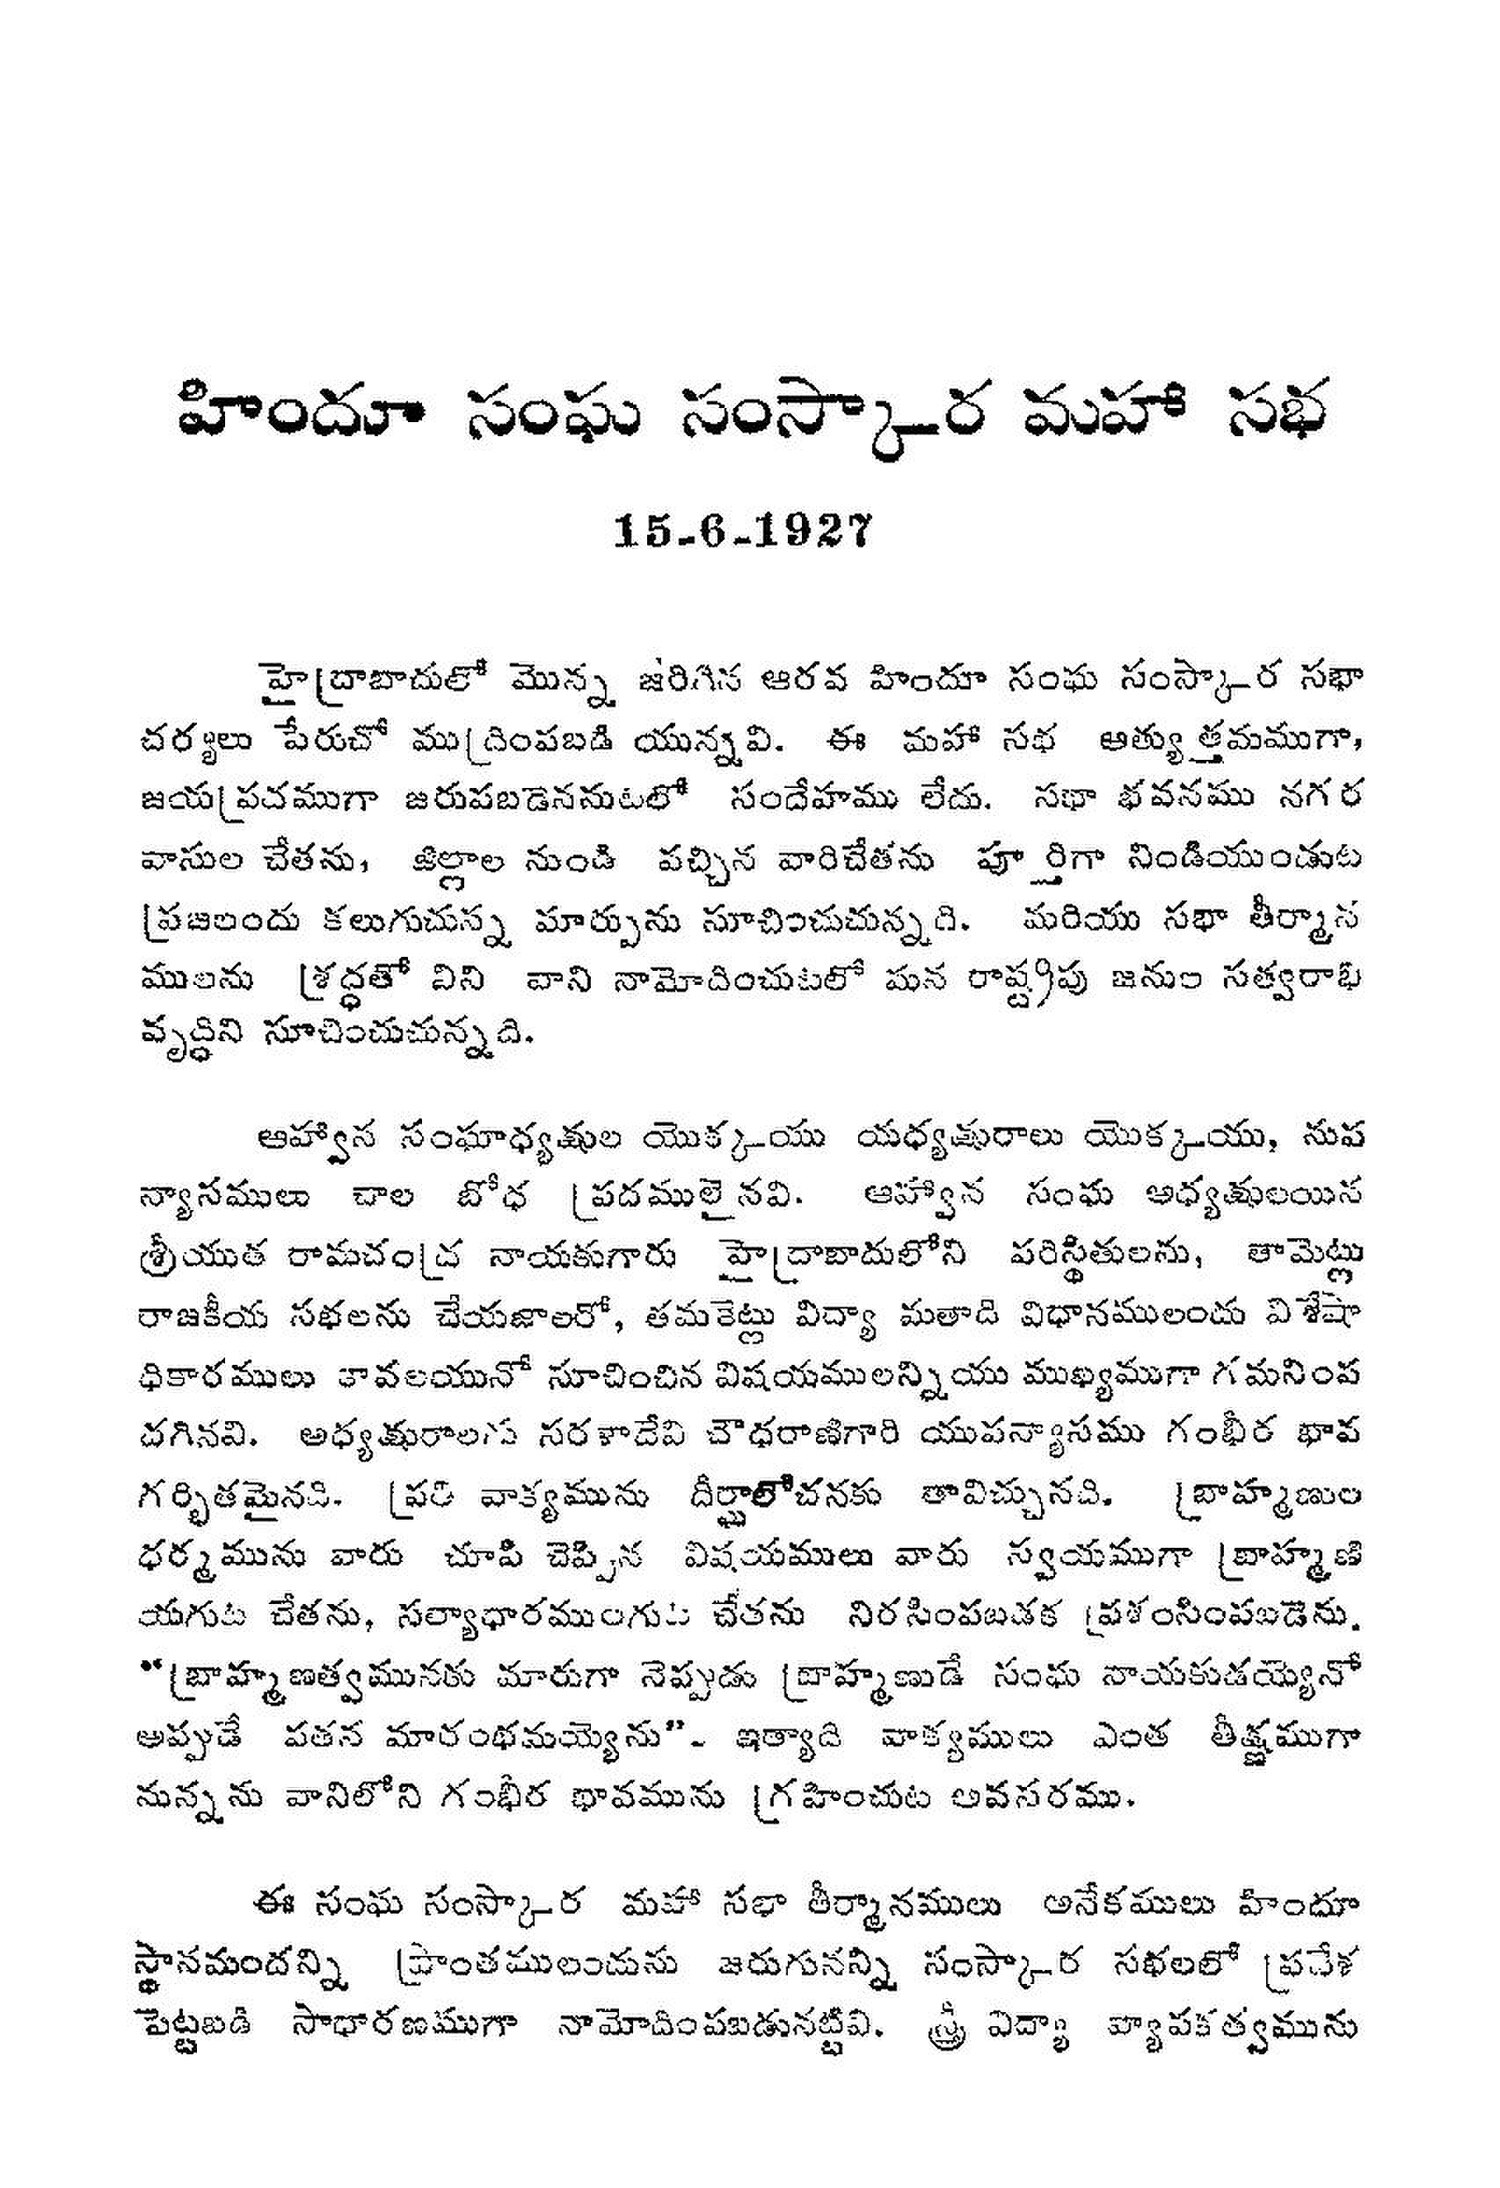హిందూ సంఘ సంస్కార మహా సభ

15-6-1927

హైద్రాబాదులో మొన్న జరిగిన ఆరవ హిందూ సంఘ సంస్కార సభా చర్యలు పేరుచో ముద్రింపబడి యున్నవి. ఈ మహా సభ అత్యుత్తమముగా, జయప్రదముగా జరుపబడెననుటలో సందేహము లేదు. సభా భవనము నగర
వాసుల చేతను, జిల్లాల నుండి వచ్చిన వారిచేతను పూర్తిగా నిండియుండుట ప్రజలందు కలుగుచున్న మార్పును సూచించుచున్నది. మరియు సభా తీర్మానములను శ్రద్ధతో విని వాని నామోదించుటలో మన రాష్ట్రపు జనుల సత్వరాభివృద్ధిని సూచించుచున్నది.

ఆహ్వాన సంఘాధ్యక్షుల యొక్కయు యధ్యక్షురాలు యొక్కయు, నుపన్యాసములు చాల బోధ ప్రదములైనవి. ఆహ్వాన సంఘ అధ్యక్షులయిన శ్రీయుత రామచంద్ర నాయకుగారు హైద్రాబాదులోని పరిస్థితులను, తామెట్లు రాజకీయ సభలను చేయజాలరో, తమకెట్లు విద్యా మతాది విధానములందు విశేషాధికారములు కావలయునో సూచించిన విషయములన్నియు ముఖ్యముగా గమనింపదగినవి. అధ్యక్షురాలగు సరళాదేవి చౌధరాణిగారి యుపన్యాసము గంభీర భావ గర్భితమైనది. ప్రతి వాక్యమును దీర్ఘాలోచనకు తావిచ్చునది. బ్రాహ్మణుల ధర్మమును వారు చూపి చెప్పిన విషయములు వారు స్వయముగా బ్రాహ్మణి యగుట చేతను, సత్యాధారములగుట చేతను నిరసింపబడక ప్రశంసింపబడెను. "బ్రాహ్మణత్వమునకు మారుగా నెప్పుడు బ్రాహ్మణుడే సంఘ నాయకుడయ్యెనో అప్పుడే పతన మారంభమయ్యెను”. ఇత్యాది వాక్యములు ఎంత తీక్ష్ణముగా నున్నను వానిలోని గంభీర భావమును గ్రహించుట అవసరము.

ఈ సంఘ సంస్కార మహా సభా తీర్మానములు అనేకములు హిందూస్థానమందన్ని ప్రాంతములందును జరుగునన్ని సంస్కార సభలలో ప్రవేశపెట్టబడి సాధారణముగా నామోదింపబడునట్టివి. స్త్రీ విద్యా వ్యాపకత్వమును